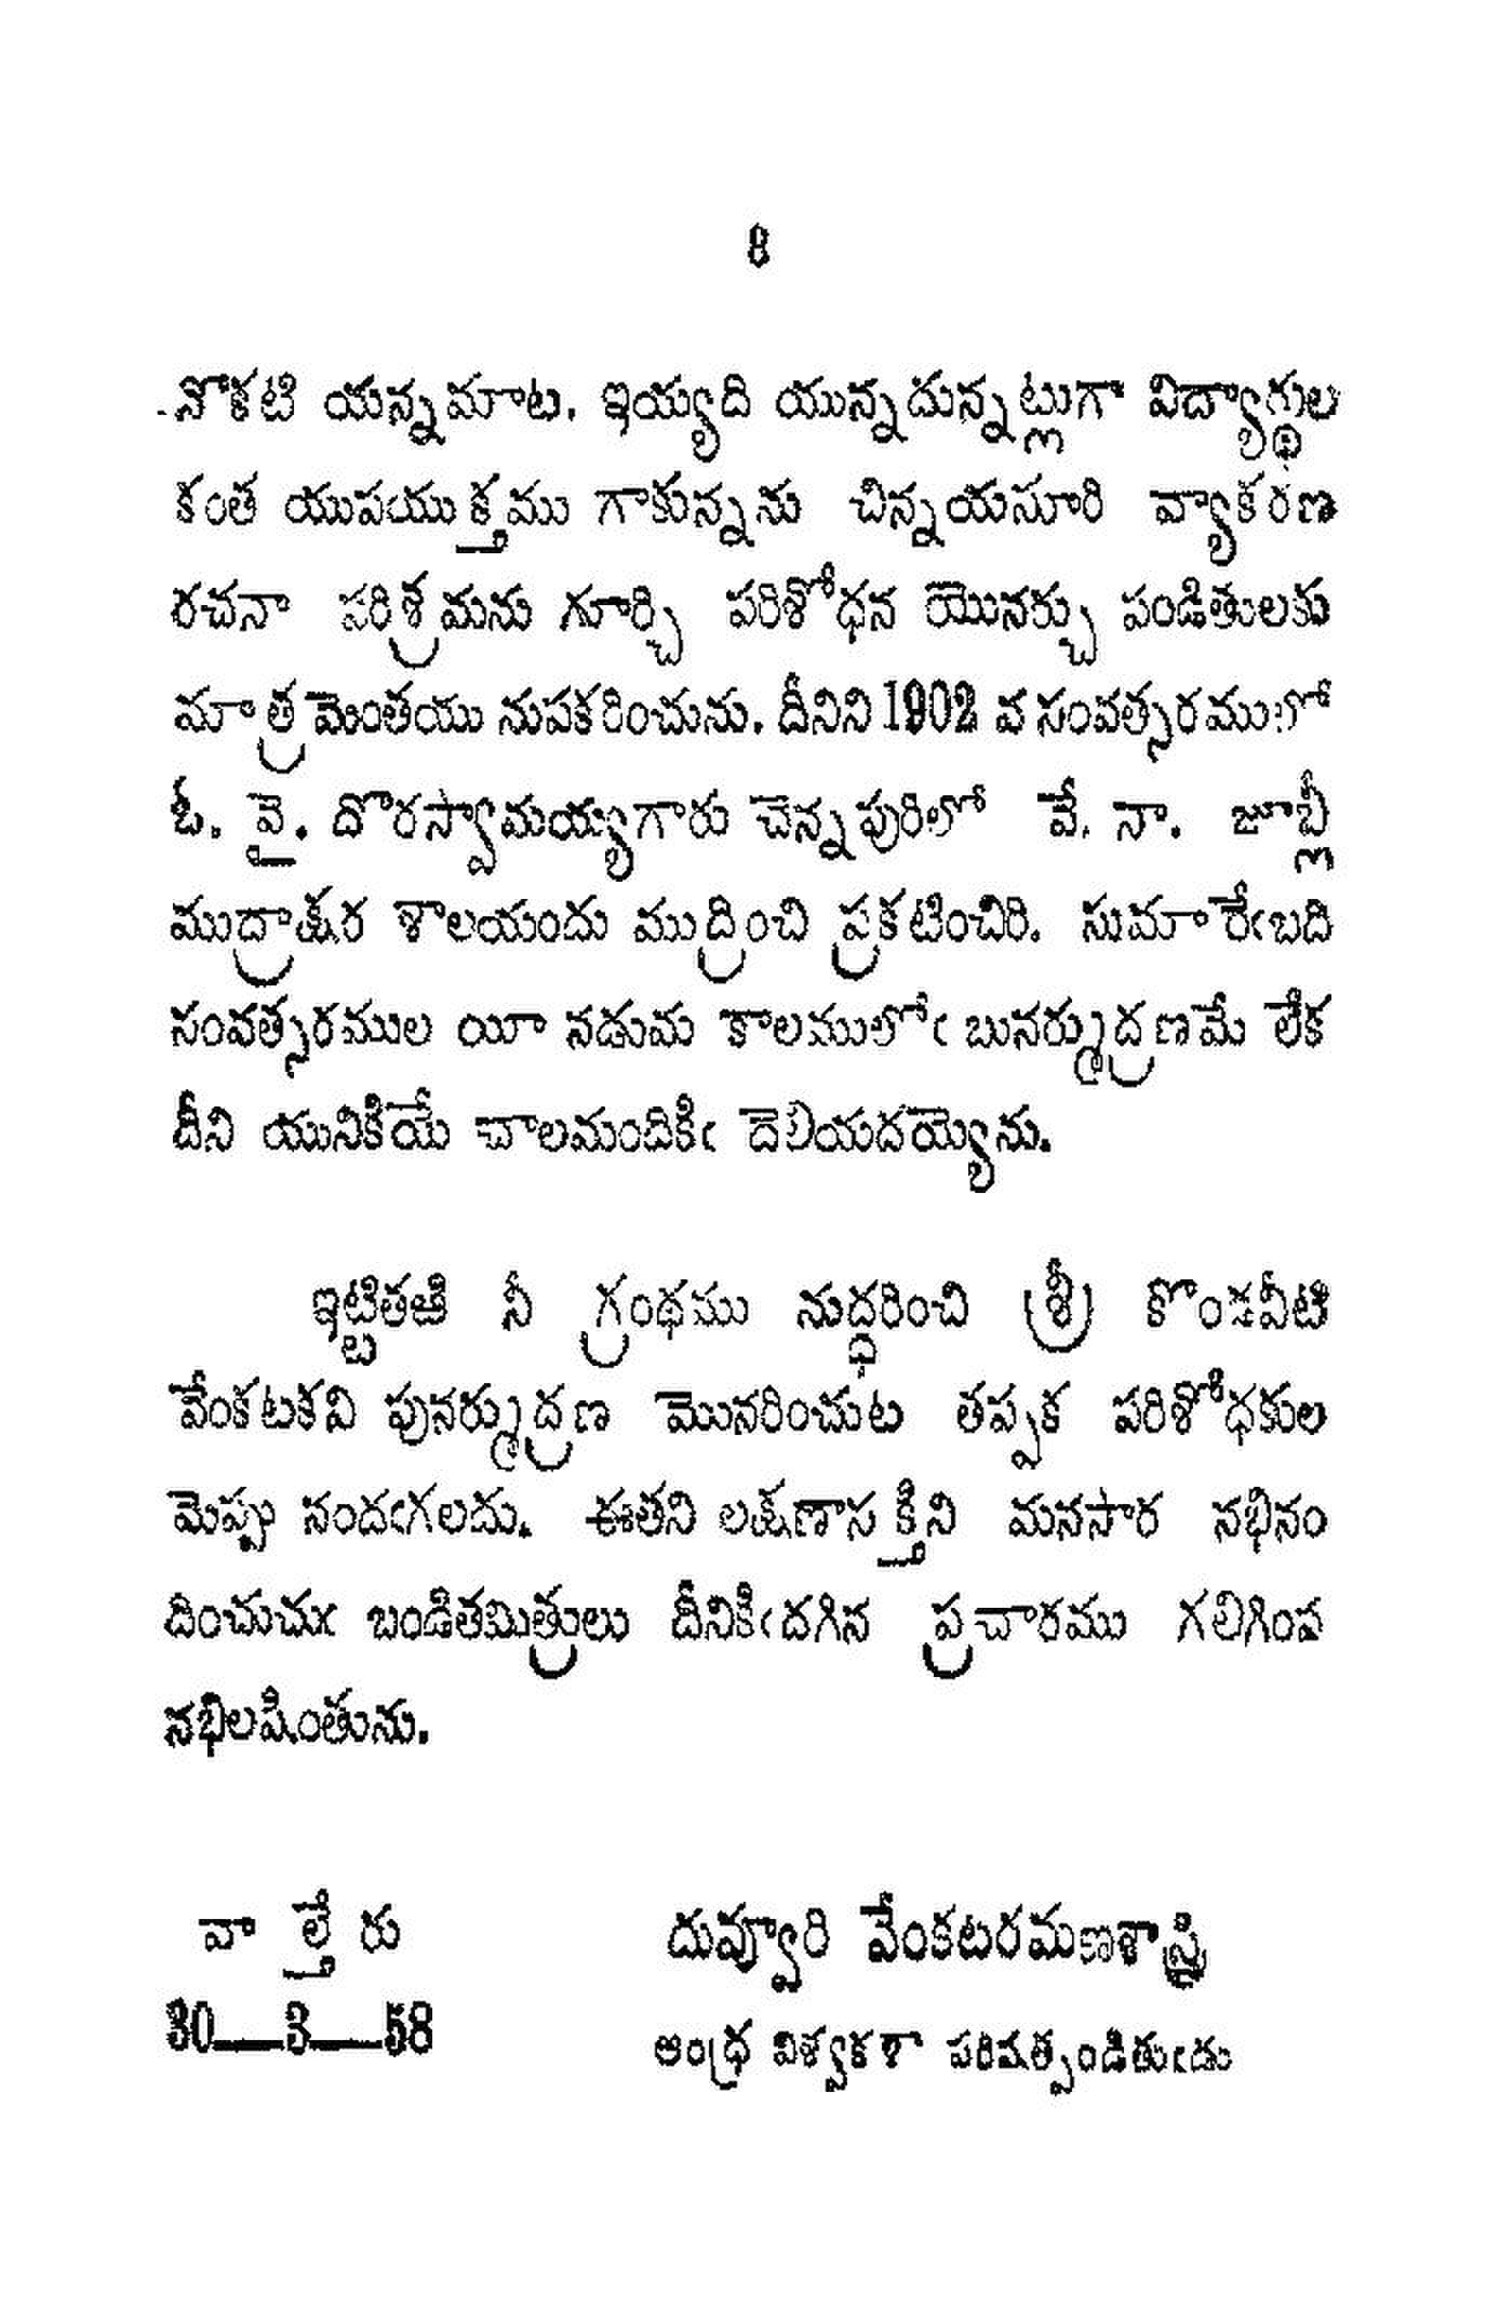నొకటి యన్నమాట. ఇయ్యది యున్నదున్నట్లుగా విద్యార్థుల కంత యుపయుక్తము గాకున్నను చిన్నయసూరి వ్యాకరణ రచనా పరిశ్రమను గూర్చి పరిశోధన యొనర్చు పండితులకు మాత్రమెంతయు నుపకరించును. దీనిని 1902 వ సంవత్సరములో ఓ. వై. దొరస్వామయ్యగారు చెన్నపురిలో వే. నా. జూబ్లీ ముద్రాక్షర శాలయందు ముద్రించి ప్రకటించిరి. సుమారేఁబది సంవత్సరముల యీ నడుమ కాలములోఁ బునర్ముద్రణమే లేక దీని యునికియే చాలమందికిఁ దెలియదయ్యెను.

ఇట్టితఱి నీ గ్రంథము నుద్దరించి శ్రీ కొండవీటి వేంకటకవి పునర్ముద్రణ మొనరించుట తప్పక పరిశోధకుల మెప్పు నందఁగలదు. ఈతని లక్షణాసక్తిని మనసార సభినందించుచుఁ బండితమిత్రులు దీనికిఁదగిన ప్రచారము గలిగింప సభిలషింతును.